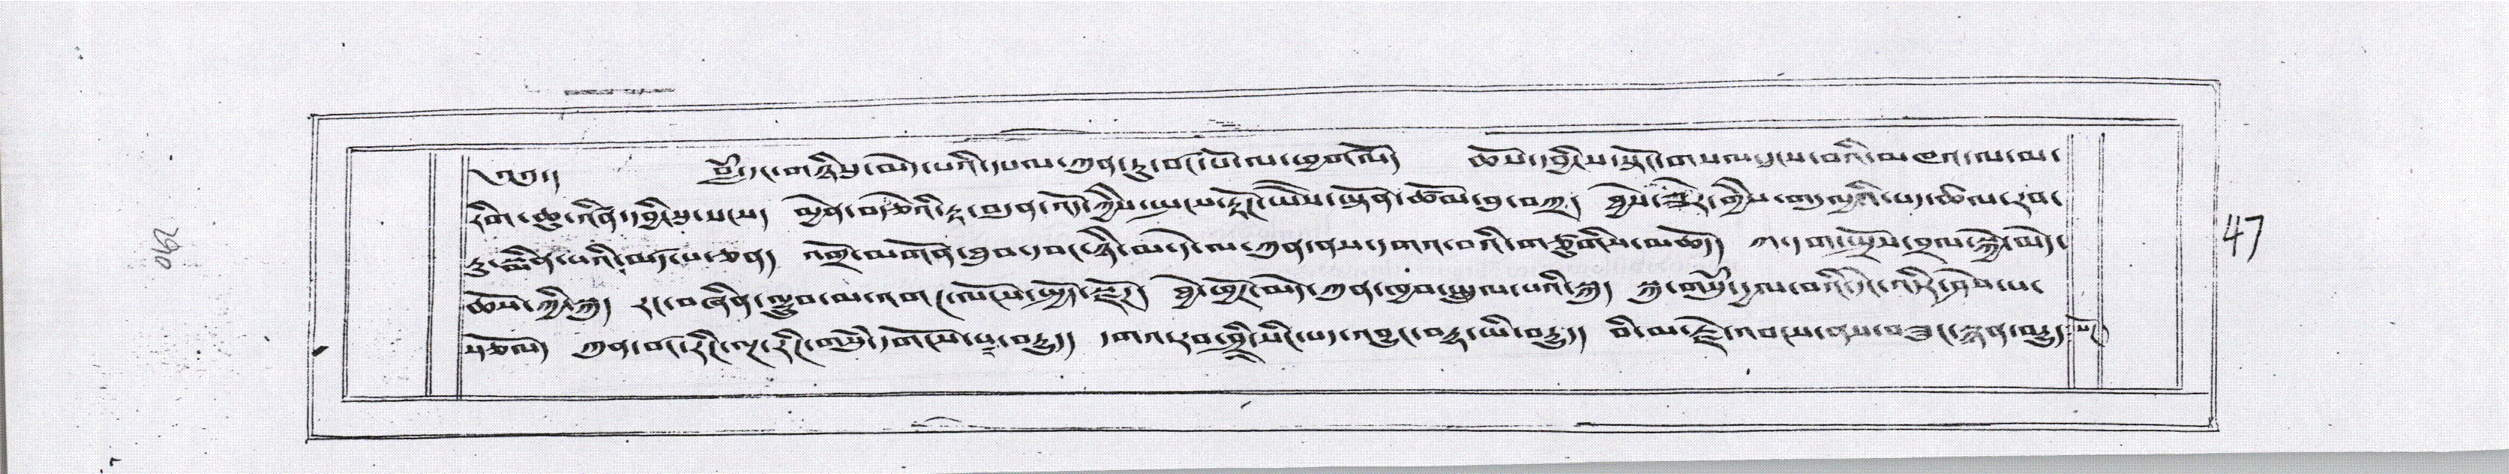བླ་མ་དང་གཉིས་སུ་མེད་པའི་དཔལ་ཀུན་ཏུ་བཟང་པོ་ལ་ཕྱག་འཚལ་ལོ། ཆོས་དབྱིངས་སྟོང་གསལ་དྭངས་བའི་མཁའ་ལ་མ་
རིག་ཆུ་འཛིན་དབྱིངས་སུ་སངས། མཁྱེན་བརྩེའི་རྟ་བདུན་འོད་ཀྱིས་སྤངས་རྟོགས་ཡེ་ཤེས་ཡོན་ཏན་ཚོམ་བུ་བཀྲ། ཐུགས་རྗེ་ཟེར་གྱིས་གདུལ་བྱའི་པད་ཚལ་རབ་
ཏུ་སྨིན་པའི་མཛད་པ་ཅན། འགྲོ་མགོན་ཐུབ་དབང་ཉི་མ་དེ་ལ་ཀུན་ནས་དགའ་བའི་གཙུག་གིས་མཆོད། ཀ་དག་སྤྲོས་བྲལ་སྐྱེ་མེད་
ཆོས་ཀྱི་སྐུ། རང་བཞིན་ལྷུན་གྲུབ་མ་འགགས་ལོངས་སྤྱོད་རྫོགས། ཐུགས་རྗེ་ཕྱོགས་མེད་ཀུན་ཁྱབ་སྤྲུལ་པའི་སྐུ། སྐུ་གསུམ་རྒྱལ་བའི་དེང་འདིར་ཤེས་པ་
སྩོལ། ཀུན་བཟང་རིགས་ལྔ་རིགས་གསུམ་དགོངས་པས་བརྒྱུད། དགའ་རབ་ཤྲཱི་སིང་པད་འབྱུང་བརྡ་ཡི་བརྒྱུད། བི་མ་རྗེ་འབངས་ནས་བཟུང་སྙན་བརྒྱུད་